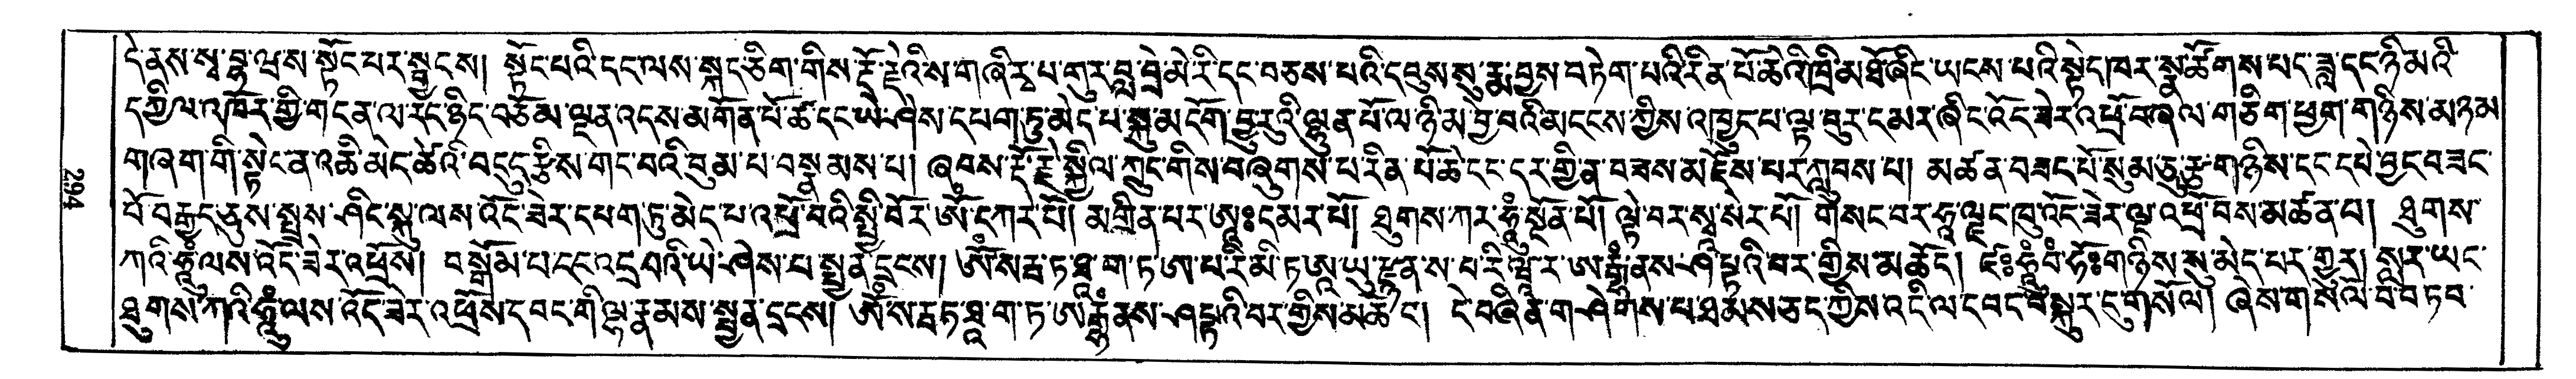དེ་ནས་སྭ་བྷཱ་ཝས་སྟོང་པར་སྦྱངས། སྟོང་པའི་ངང་ལས་སྐད་ཅིག་གིས་རྡོ་རྗེའི་ས་གཞི་རྭ་བ་གུར་བླ་བྲེ་མེ་རི་དང་བཅས་པའི་དབུས་སུ་རྨ་བྱས་བཏེག་པའི་རིན་པོ་ཆེའི་ཁྲི་མཐོ་ཞིང་ཡངས་པའི་སྟེང་ཁར་སྣ་ཚོགས་བད་ཟླ་དང་ཉི་མའི་
དཀྱིལ་འཁོར་གྱི་གདན་ལ་རང་ཉིད་བཅོམ་ལྡན་འདས་མགོན་པོ་ཚེ་དང་ཡེ་ཤེས་དཔག་ཏུ་མེད་པ་སྐུ་མདོག་བྱུ་རུའི་ལྷུན་པོ་ལ་ཉི་མ་བྱེ་བའི་མདངས་ཀྱིས་འཁྱུང་བ་ལྟ་བུར་དམར་ཞིང་འོད་ཟེར་འཕྲོ་བ་ཞལ་གཅིག་ཕྱག་གཉིས་མཉམ་
གཞག་གི་སྟེང་ན་འཆི་མེད་ཚེའི་བདུད་རྩིས་གང་བའི་བུམ་པ་བསྣམས་པ། ཞབས་རྡོ་རྗེ་སྐྱིལ་ཀྲུང་གིས་བཞུགས་པ་རིན་པོ་ཆེ་དང་དར་གྱིན་བཟས་མཛེས་པར་ཀླུབས་པ། མཚན་བཟང་པོ་སུམ་ཅུ་རྩ་གཉིས་དང་དཔེ་བྱད་བཟང་
པོ་བརྒྱད་ཅུས་སྤྲས་ཤིང་སྐུ་ལས་འོད་ཟེར་དཔག་ཏུ་མེད་པ་འཕྲོ་བའི་སྤྱི་བོར་ཨོཾ་དཀར་པོ། མགྲིན་པར་ཨཱཿདམར་པོ། ཐུགས་ཀར་ཧཱུཾ་སྔོན་པོ། ལྟེ་བར་སྭཱ་སེར་པོ། གསང་བར་ཧཱ་ལྗང་ཁུ་འོད་ཟེར་ལྔ་འཕྲོ་བས་མཚན་པ། ཐུགས་
ཀའི་ཧཱུཾ་ལས་འོད་ཟེར་འཕྲོས། བསྒོམ་པ་དང་འདྲ་བའི་ཡེ་ཤེས་པ་སྤྱན་དྲངས། ཨོཾ་སརྦ་ཏ་ཐཱ་ག་ཏ་ཨ་པ་རི་མི་ཏ་ཨཱ་ཡུ་རྫྙཱ་ན་ས་པ་རི་ཝཱ་ར་ཨརྒྷཾ་ནས་ཤཔྟའི་བར་གྱིས་མཆོད། ཛཿཧཱུཾ་བཾ་ཧོཿགཉིས་སུ་མེད་པར་གྱུར། སླར་ཡང་
ཐུགས་ཀའི་ཧཱུཾ་ལས་འོད་ཟེར་འཕྲོས་དབང་གི་ལྷ་རྣམས་སྤྱན་དྲངས། ཨོཾ་སརྦ་ཏ་ཐཱ་ག་ཏ་ཨརྒྷཾ་ནས་ཤཔྟའི་བར་གྱི་།མཆོད། དེ་བཞིན་གཤེགས་པ་ཐམས་ཅད་ཀྱིས་འདི་ལ་དབང་བསྐུར་དུ་གསོལ། ཞེས་གསོལ་བ་བཏབ་